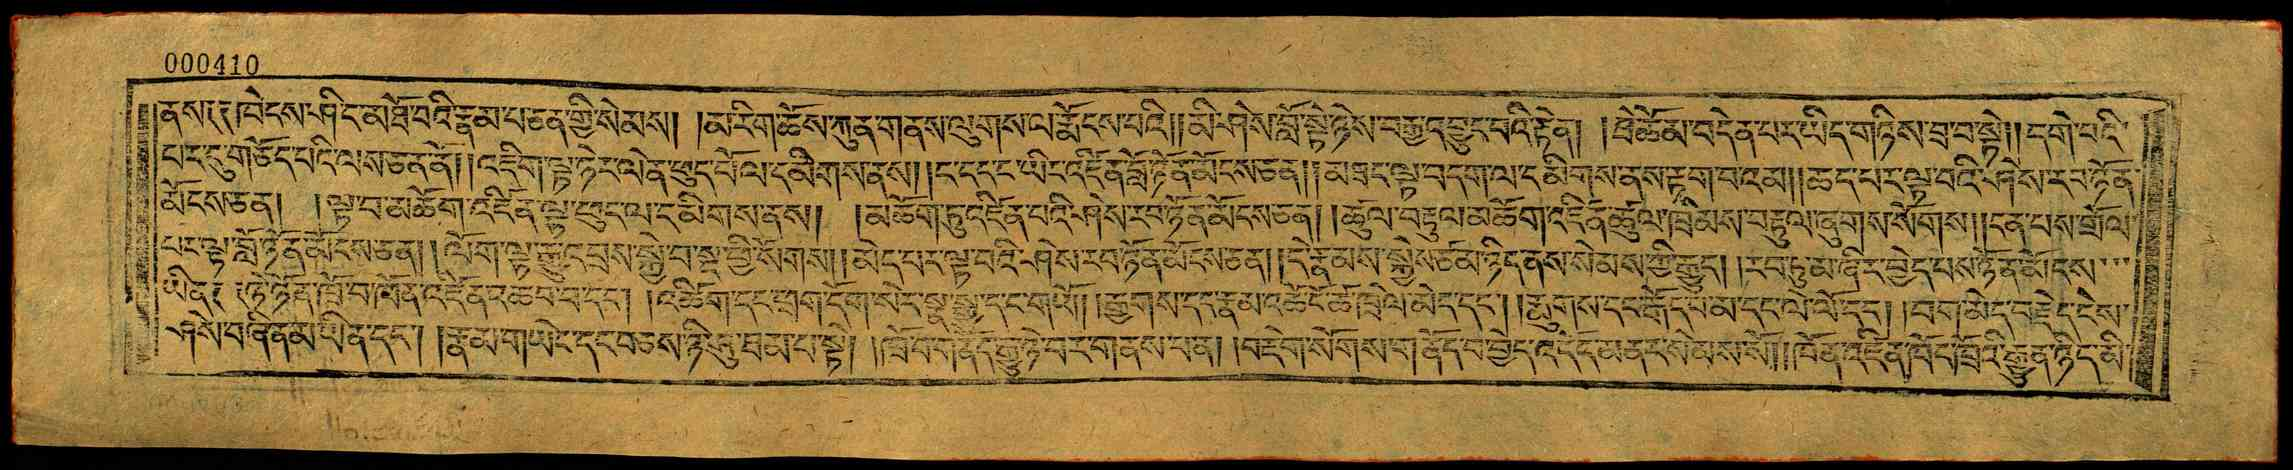ནས། །ཁེངས་ཤིང་མཐོ་བའི་རྣམ་པ་ཅན་གྱི་སེམས། །མ་རིག་ཆོས་ཀུན་གནས་ལུགས་ལ་རྨོངས་པའི། །མི་ཤེས་བློ་སྟེ་ཉེས་བརྒྱ་འབྱུང་བའི་རྟེན། །ཐེ་ཚོམ་བདེན་པར་ཡིད་གཉིས་ཟ་བ་སྟེ། །དགེ་བའི་
བར་དུ་གཅོད་པའི་ལས་ཅན་ནོ། །འཇིག་ལྟ་ཉེར་ལེན་ཕུང་པོ་ལ་དམིགས་ནས། །ང་དང་ང་ཡིར་འཛིན་བློ་ཉོན་མོངས་ཅན། །མཐར་ལྟ་བདག་ལ་དམིགས་ནས་རྟག་པའམ། །ཆད་པར་ལྟ་བའི་ཤེས་རབ་ཉོན་
མོངས་ཅན། །ལྟ་བ་མཆོག་འཛིན་ལྟ་ཕུང་ལ་དམིགས་ནས། །མཆོག་ཏུ་འཛིན་པའི་ཤེས་རབ་ཉོན་མོངས་ཅན། །ཚུལ་བརྟུལ་མཆོག་འཛིན་ཚུལ་ཁྲིམས་བརྟུལ་ཞུགས་སོགས། །ངན་པས་གྲོལ་
བར་ལྟ་བློ་ཉོན་མོངས་ཅན། །ལོག་ལྟ་རྒྱུ་འབྲས་སྐྱེ་བ་སྔ་ཕྱི་སོགས། །མེད་པར་ལྟ་བའི་ཤེས་རབ་ཉོན་མོངས་ཅན། །དེ་རྣམས་སྐྱོས་ཙམ་ཉིད་ནས་སེམས་ཀྱི་རྒྱུད། །རབ་ཏུ་མ་ཞིར་བྱེད་པས་ཉོན་མོངས་
ཡིན། །ཉེ་ཉོན་ཁྲོ་བ་ཁོ་ན་འཛིན་འཆབ་པ་དང་། །འཚིག་དང་ཕྲག་དོག་སེར་སྣ་སྒྱུ་དང་གཡོ། །རྒྱགས་དང་རྣམ་འཚེ་ངོ་ཚ་ཁྲེལ་མེད་དང་། །རྨུགས་དང་རྒོད་པ་མ་རང་ལེ་ལོ་དང་། །བག་མེད་བརྗེད་ངས་
ཤེས་བཞིན་མ་ཡིན་དང་། །རྣམ་གཡེང་དང་བཅས་ཉི་ཤུ་ཐམ་པ་སྟེ། །ཁྲོ་བ་གནོད་རྒྱུ་ཉེ་བར་གནས་པ་ན། །བརྡེག་སོགས་གནོད་པ་བྱེད་འདོད་མནར་སེམས་སོ། །ཁོ་ན་འཛིན་ཁོང་ཁྲོའི་རྒྱུན་ཉིད་མི་